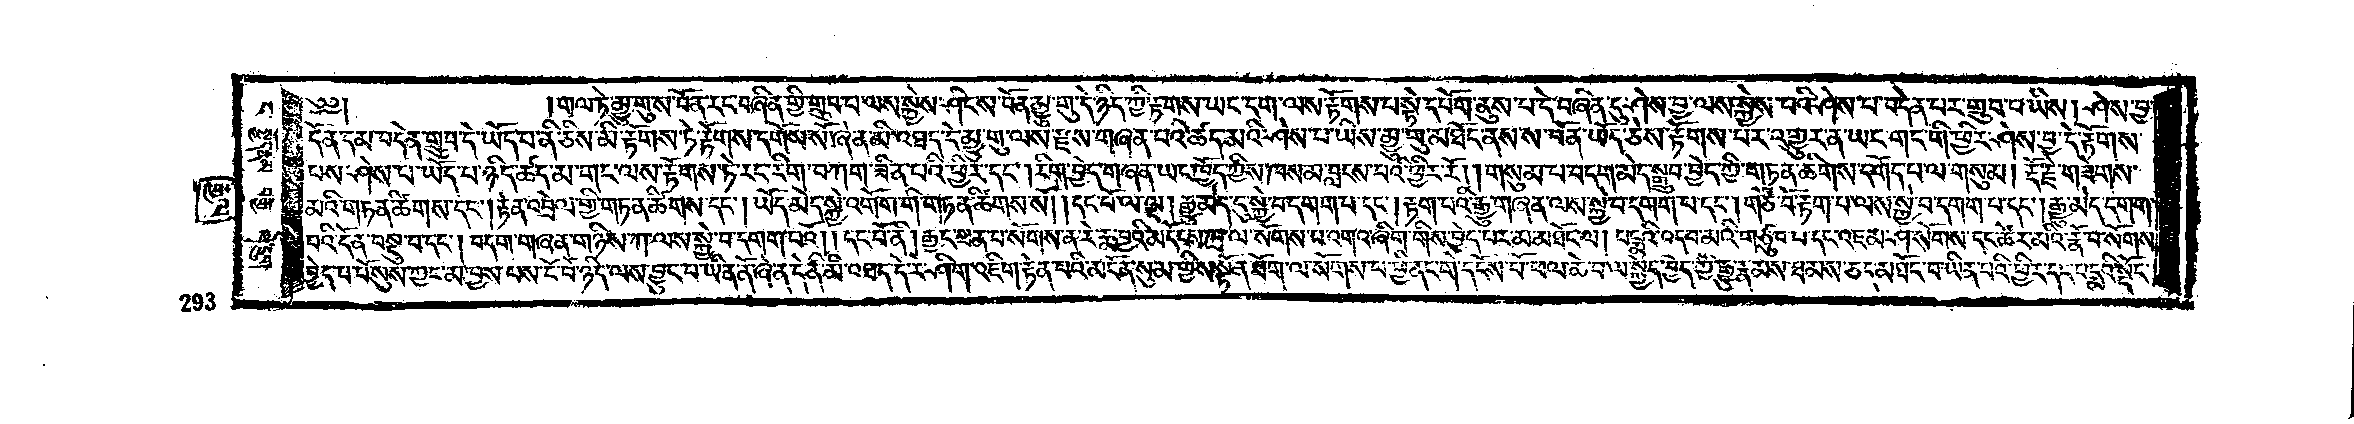༄༅། །གལ་ཏེ་མྱུ་གུ་ས་བོན་རང་བཞིན་གྱི་གྲུབ་པ་ལས་སྐྱེས་ཤིང་ས་བོན་མྱུ་གུ་དེ་ཉིད་ཀྱི་རྟགས་ཡང་དག་ལས་རྟོགས་པ་སྟེ་དཔོག་ནུས་པ་དེ་བཞིན་དུ་ཤེས་བྱ་ལས་སྐྱེས་པའི་ཤེས་པ་བདེན་པར་གྲུབ་པ་ཡིས། ཤེས་བྱ་
དོན་དམ་བདེན་གྲུབ་དེ་ཡོད་པ་ནི་ཅིས་མི་རྟོགས་ཏེ་རྟོགས་དགོས་སོ་ཞེ་ན་མི་འཐད་དེ་མྱུ་གུ་ལས་རྫས་གཞན་པའི་ཚད་མའི་ཤེས་པ་ཡིས་མྱུ་གུ་མཐོང་ནས་ས་བོན་ཡོད་ཅེས་རྟོགས་པར་འགྱུར་ན་ཡང་གང་གི་ཕྱིར་ཤེས་བྱ་དེ་རྟོགས་
པས་ཤེས་པ་ཡོད་པ་ཉིད་ཚད་མ་གང་ལས་རྟོགས་ཏེ་རང་རིག་བཀག་ཟིན་པའི་ཕྱིར་དང་། རིག་བྱེད་གཞན་ཡང་ཁྱོད་ཀྱིས་ཁས་མ་བླངས་པའི་ཕྱིར་རོ། །གསུམ་པ་བདག་མེད་སྒྲུབ་བྱེད་ཀྱི་གཏན་ཚིགས་དགོད་པ་ལ་གསུམ། རྡོ་རྗེ་གཟེགས་
མའི་གཏན་ཚིགས་དང་། རྟེན་འབྲེལ་གྱི་གཏན་ཚིགས་དང་། ཡོད་མེད་སྐྱེ་འགོག་གི་གཏན་ཚིགས་སོ། །དང་པོ་ལ་ལྔ། རྒྱུ་མེད་དུ་སྐྱེ་བ་དགག་པ་དང་། རྟག་པའི་རྒྱུ་གཞན་ལས་སྐྱེ་བ་དགག་པ་དང་། གཙོ་བོ་རྟག་པ་ལས་སྐྱེ་བ་དགག་པ་དང་། རྒྱུ་མེད་དགག་
པའི་དོན་བསྡུ་བ་དང་། བདག་གཞན་གཉིས་ཀ་ལས་སྐྱེ་བ་དགག་པའོ། །དང་པོ་ནི། རྒྱང་སྤན་པ་སོགས་ན་རེ་རྨ་བྱའི་མདོངས་ཁྲ་ལ་སོགས་པ་འགའ་ཞིག་གིས་བྱེད་པར་མ་མཐོང་ལ། པདམའི་འདབ་མའི་གཙུབ་པ་དང་འཇམ་ཤ་སོགས་དང་ཚེར་མའི་རྣོ་བ་སོགས་
བྱེད་པ་པོ་སུས་ཀྱང་མ་བྱས་པས་ངོ་བོ་ཉིད་ལས་བྱུང་བ་ཡིན་ནོ་ཞེ་ན་དེ་ནི་མི་འཐད་དེ་རེ་ཤིག་འཇིག་རྟེན་པའི་མངོན་སུམ་གྱིས་སྟོན་ཐོག་ལ་སོགས་པ་ཕྱི་ནང་གི་དངོས་པོ་ཕལ་ཆེ་བ་ལ་སྐྱེད་བྱེད་ཀྱི་རྒྱུ་རྣམས་ཐམས་ཅད་མཐོང་བ་ཡིན་པའི་ཕྱིར་དང་པདམའི་སྡོང་